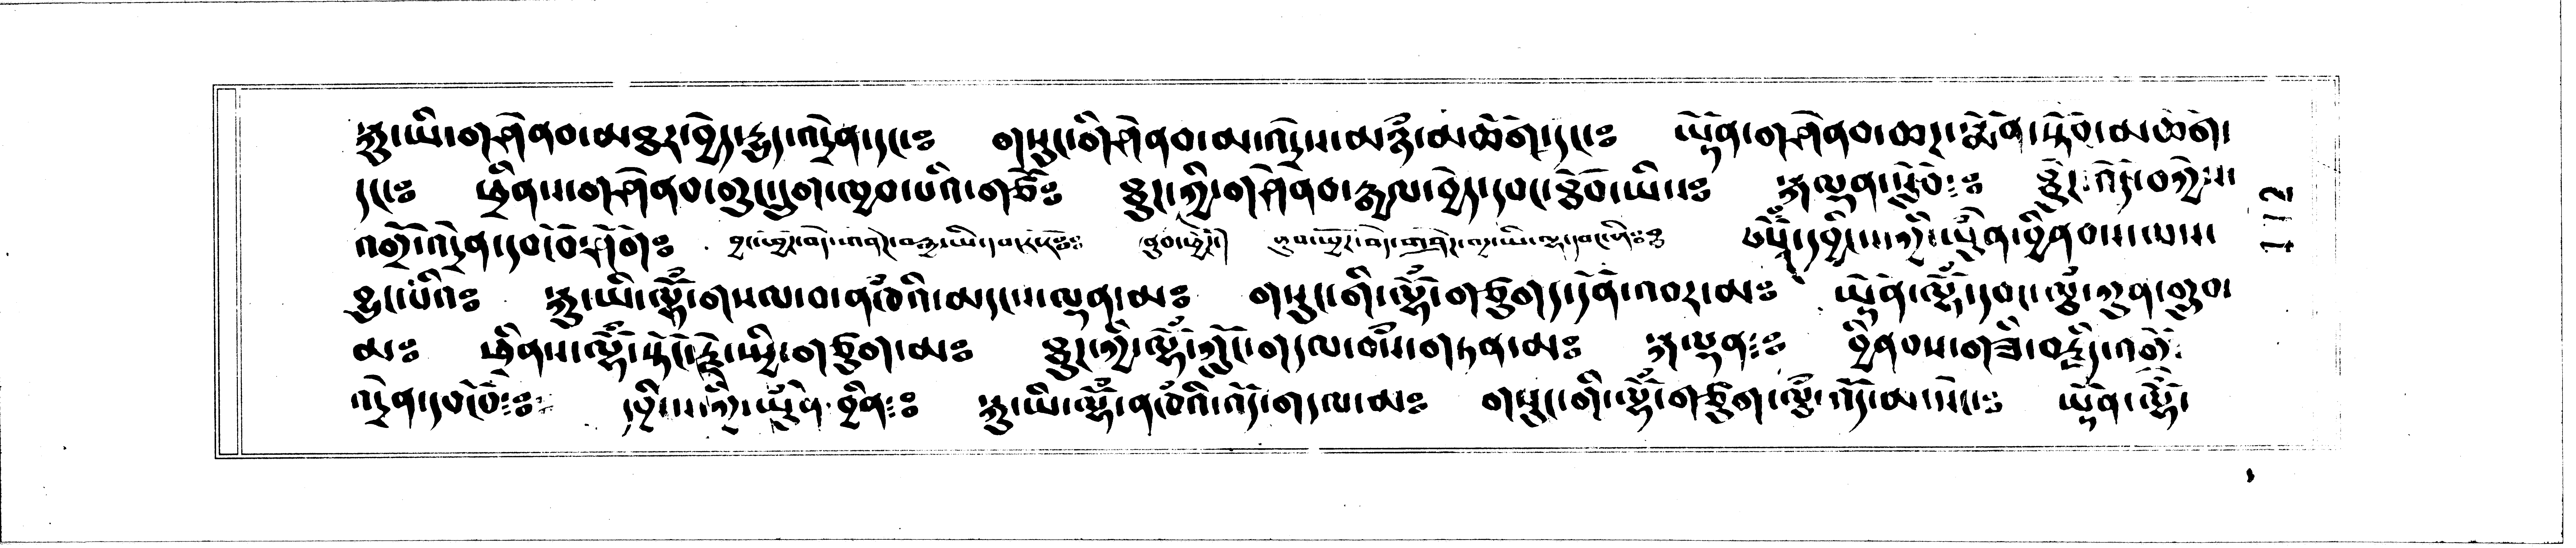སྐུ་ཡི་གཤེན་རབ་མཐར་བྱེད་རྒྱུད་འདྲེན་དངཿ གསུང་གི་གཤེན་རབ་མ་འདྲེས་མཉམ་མཆོག་དངཿ ཡོན་ཏན་གྱི་གཤེན་རབ་ཆགས་སྨོན་སྟོབས་མཆོག་
དངཿ ཕྲིན་ལས་ཀྱི་གཤེན་རབ་གུང་དྲུག་ཁྱབ་པའི་གཙོཿ ཐུགས་ཀྱི་གཤེན་རབ་རྒྱལ་བྱེད་དབང་ཐོབ་ཡིསཿ སྐལ་ལྡན་སློབ་མ་རྣམས་ལ་དབང་བསྐུར་བསཿ ཐུགས་རྗེ་འོད་བཀྱེས་
འགྲོ་འདྲེན་དབང་ཐོབ་ཤོགཿ ཤེས་རབ་ཕུལ་ལྡན་གཤེན་རབ་འོད་ཟེར་ལསཿ བྱང་ཕྱོགས་བདེར་གཤེགས་བརྒྱ་ཡི་དབང་བསྐུར་རོཿ ༼ནུབ༽ནུབ་ཕྱོགས་བདེར་གཤེགས་བརྒྱ་ཡི་ལྷ་དབང་ནིཿ ཨཱོྃཿ དབྱིངས་ཀྱི་ཡུམ་ཆེན་བྱིན་རླབས་ལས་
བྱུང་བའིཿ སྐུ་ཡི་ལྷ་མོ་གསལ་བ་ནམ་མཁའི་མདངས་ལྡན་མཿ གསུང་གི་ལྷ་མོ་གཙུག་ཕུད་དོན་འབར་མཿ ཡོན་ཏན་གྱི་ལྷ་མོ་དབང་ལྕམ་ཀུན་གྲུབ་
མཿ ཕྲིན་ལས་ཀྱི་ལྷ་མོ་སྟོང་གི་རྗེ་སྤྱི་གཙུག་མཿ ཐུགས་ཀྱི་ལྷ་མོ་ཀློང་བདལ་བསམ་གཏན་མསཿ སྐལ་ལྡན་སློབ་མ་རྣམས་ལ་དབང་བསྐུར་བསཿ བྱིན་རླབས་གཟི་བརྗིད་འགྲོ་
འདྲེན་དབང་ཐོབ་ཤོགཿ དབྱིངས་ཀྱི་ཡུམ་ཆེན་བྱིན་རླབས་ལས་བྱུང་བའིཿ སྐུ་ཡི་ལྷ་མོ་ནམ་མཁའི་འོད་བདལ་མཿ གསུང་གི་ལྷ་མོ་གཙུག་ལྕམ་འོད་མ་སེངཿ ཡོན་ཏན་ལྷ་མོ་